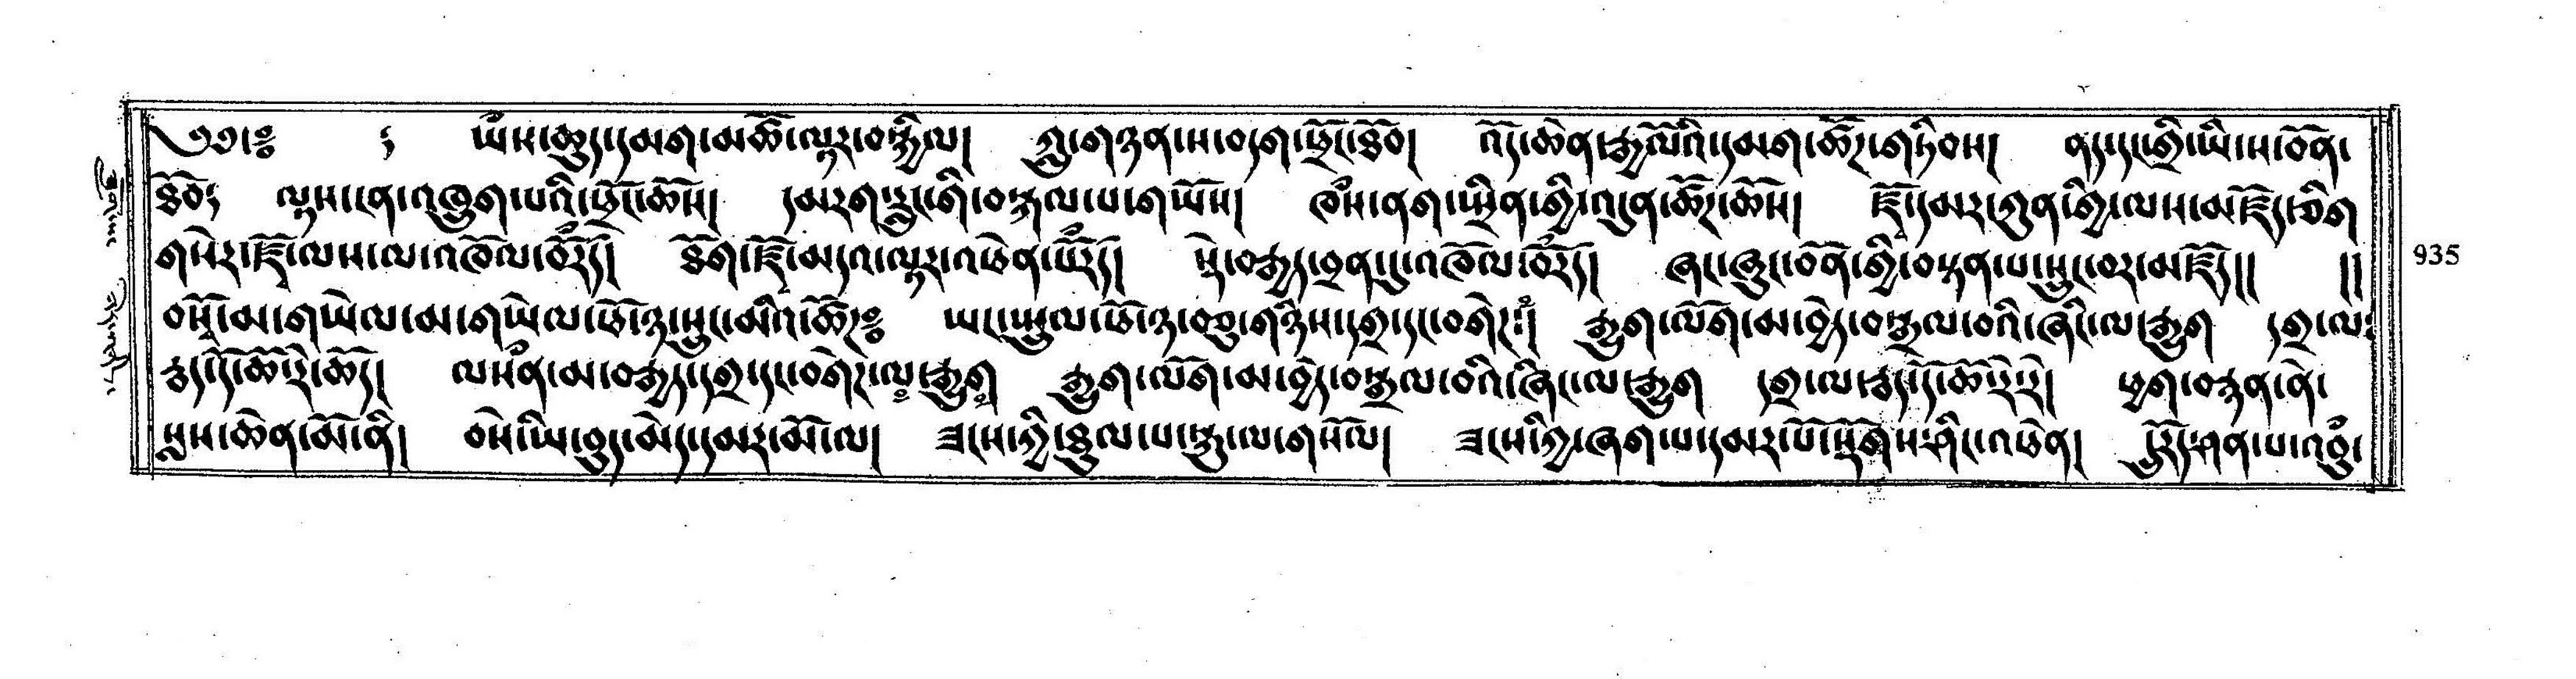ཡམས་ཆུད་དམག་མཚོ་ལྟར་བསྐྱིལ། ཀླུ་གཉན་ས་བདག་ཕོ་བྲང་ཐོབ། འོད་ཆེན་རྒྱལ་པོའི་དམག་ཚོགས་གཏིབས། ནད་དང་གྲི་ཡི་ས་བོན་
ཐོབ། ལྟས་ངན་འཁྲུག་པའི་ཕོ་བྲང་ཆོས། དམར་ནག་རླུང་གི་བསྐལ་པ་གཡོས། ཁམས་ནག་སྤྲིན་གྱི་འདུན་ཚོགས་ཆོས། ཛྭོ་དམར་ཀུན་གྱི་ལས་མཛོད་ཅིག 
གསེར་ཛྭོ་ལས་ལ་འཁོལ་བར་མཛོད། ཐོག་ཛྭོ་མདའ་ལྟར་འཕེན་པར་མཛོད། སྡེ་བརྒྱད་བྲན་དུ་འཁོལ་བར་མཛོད། ཞང་ཞུང་བོན་གྱི་བསྟན་པ་སྲུང་བར་མཛོད།། །།
བསྭོ་མ་གཡེལ་མ་གཡེལ་ཕོ་ཉ་སྲུང་མའི་ཚོགས༔ ཡང་སྤྲུལ་ཕོ་ཉ་བཅུ་གཉིས་དགྲ་དང་བགེགས༴༔ རྒྱུག་ལོག་མ་བྱེད་བསྒྲལ་བའི་ཞིང་ལ་རྒྱུག དགྲ་ལ་
རྦད་དོ་ཆོ་རེ་ཆོད། ལས་མཁན་མ་བརྒྱད་དགྲ་དང་བགེགས་ལ༵་རྒྱུག༵ རྒྱུག་ལོག་མ་བྱེད་བསྒྲལ་བའི་ཞིང་ལ་རྒྱུག དགྲ་ལ་རྦད་དོ་ཆོ་རེ་རེ། ཕྱག་བརྙན་ནེ་
སླས་ཆེན་མོ་ནི། བསེ་ཡི་བུད་མེད་དམར་མོ་ལ། ཟངས་ཀྱི་ཐུལ་པ་སྐུ་ལ་གསོལ། ཟངས་ཀྱི་ཞགས་པ་དམར་པོ་སྡོགས་ཤིང་འཕེན། དུར་ཁྲོད་ཤན་པ་འབུམ་